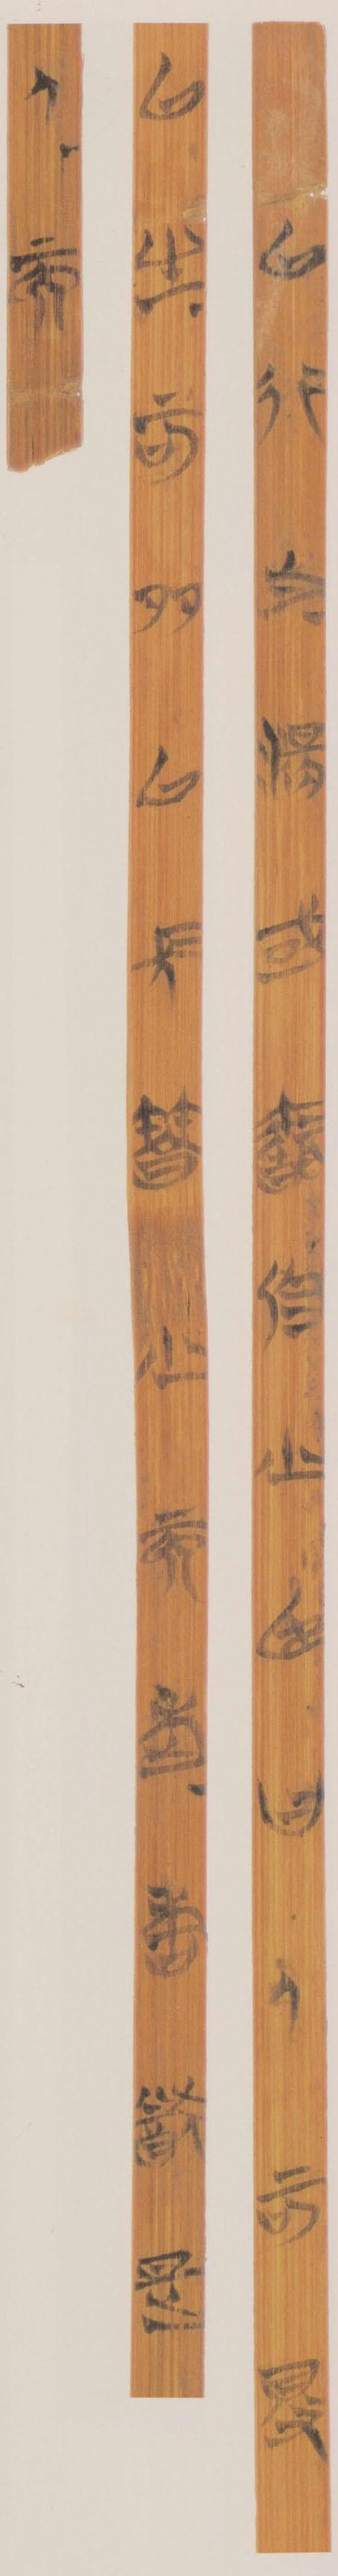㠯（以）行之湯或{尒䎽}於少臣曰人可𠭁㠯（以）生可多㠯（以）長{竹亯}少而老{耂古}猶是人而
